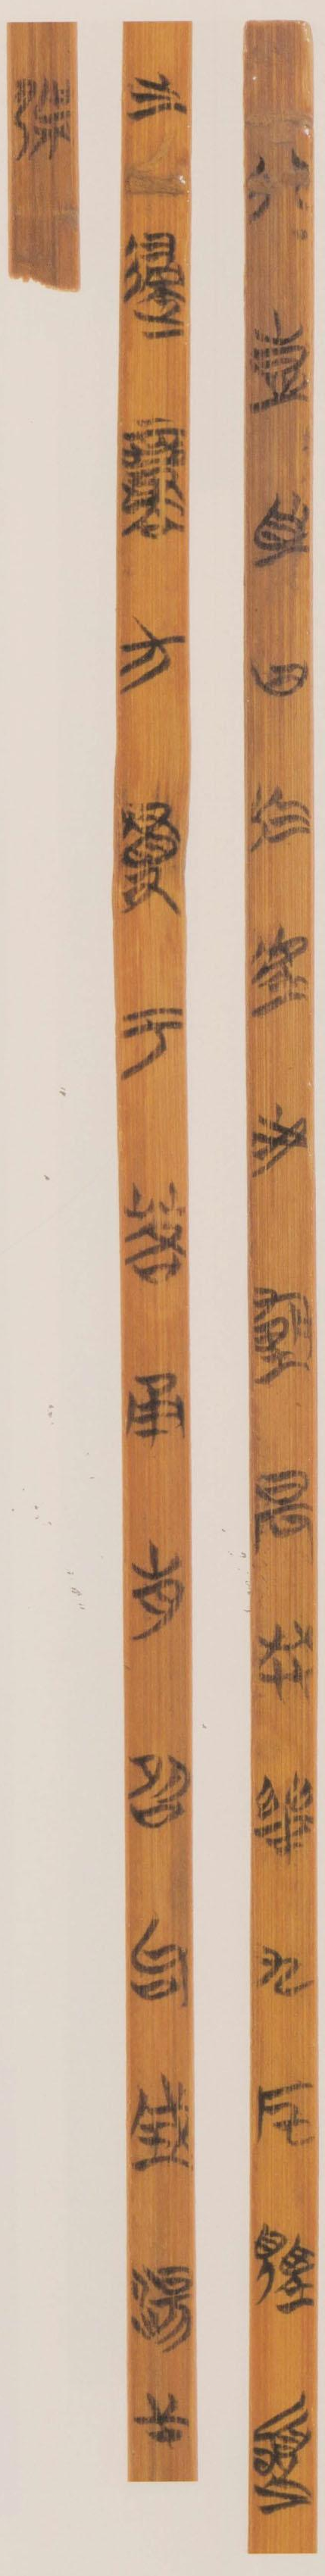行彭且曰於𫊟我{均田}晨共𪪋九厇{見垔}{日止頁}之{辶帚}商方曼于茖甬{屮月}卲句城湯弋傑
